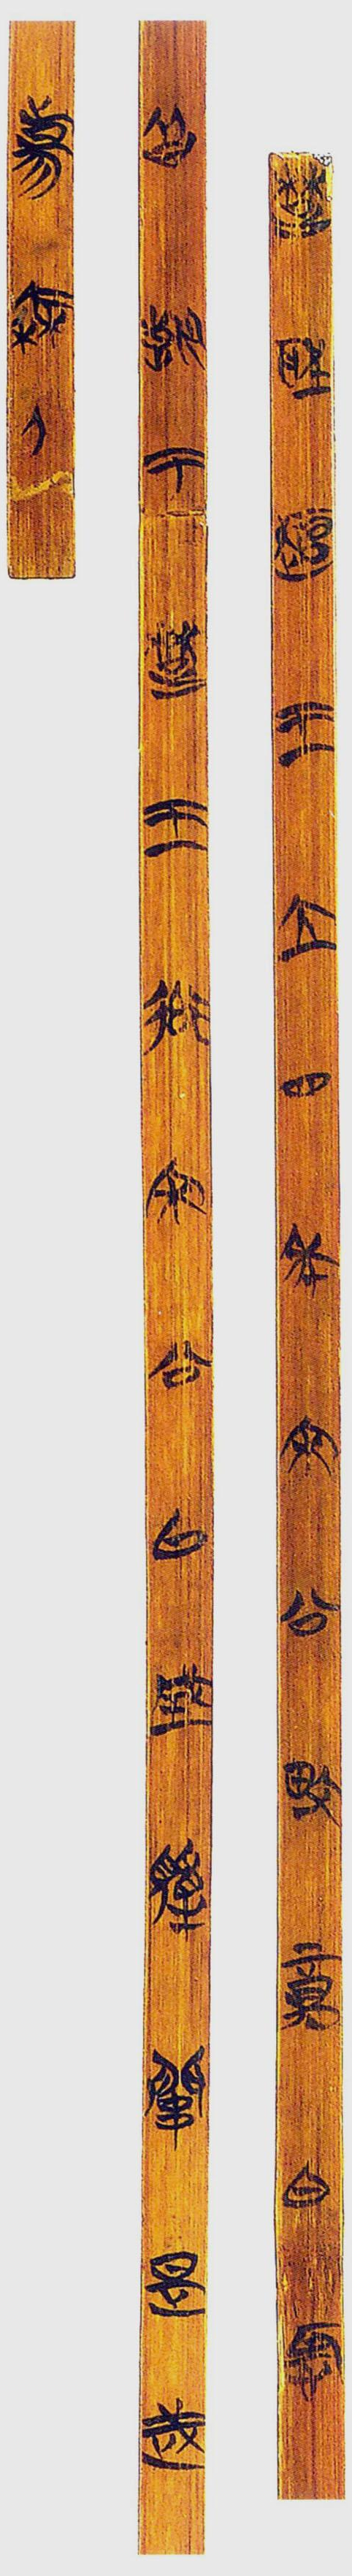楚聖𧻚王立四年宋公畋奠白怠皆朝于楚王率宋公㠯（以）城{見牛賣}{門串}是武{㫃昜}秦人
